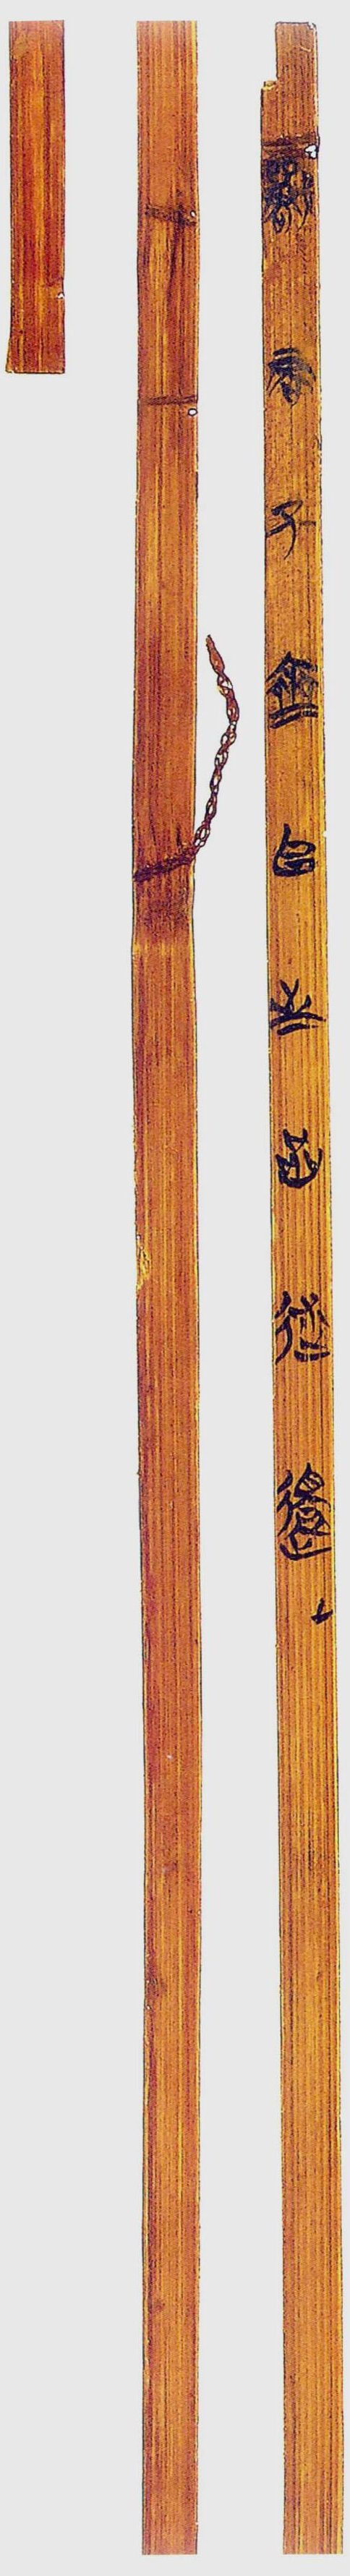戰丙子齊𠂤至喦述還
